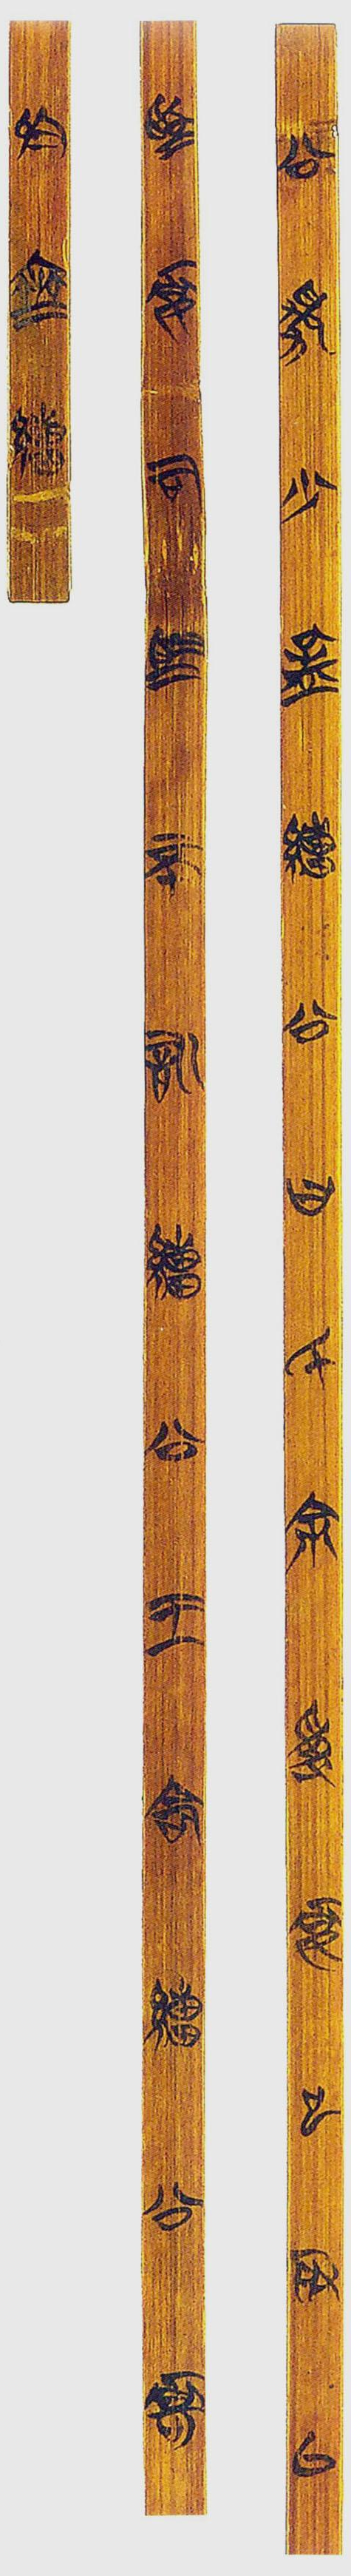公爭少{孔皿}{糸東田}公曰氏余受妻也取㠯（以）爲妻司馬不訓{糸東田}公王命{糸東田}公{口甹}於齊{糸東田}
